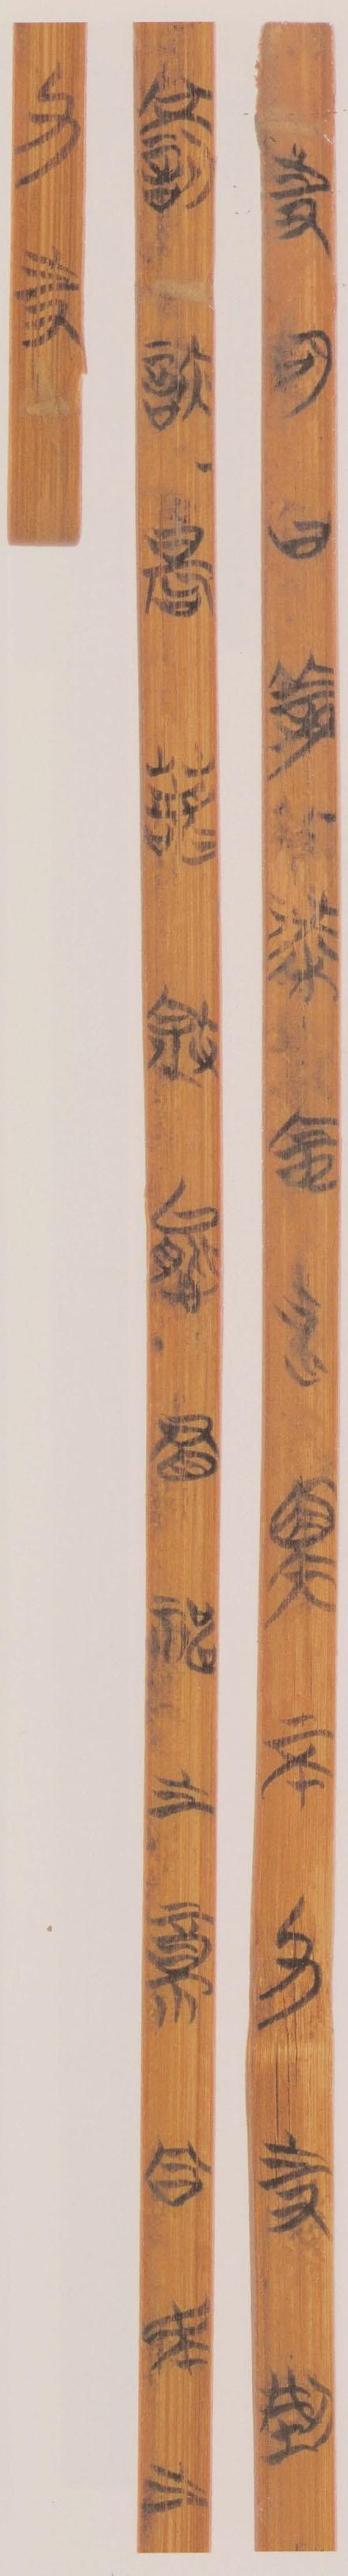寺名曰義楑{宀𠁩}水{角大}不力寺型罰{言亦}晨{艹若}敘態冒神之福同民之力寺
